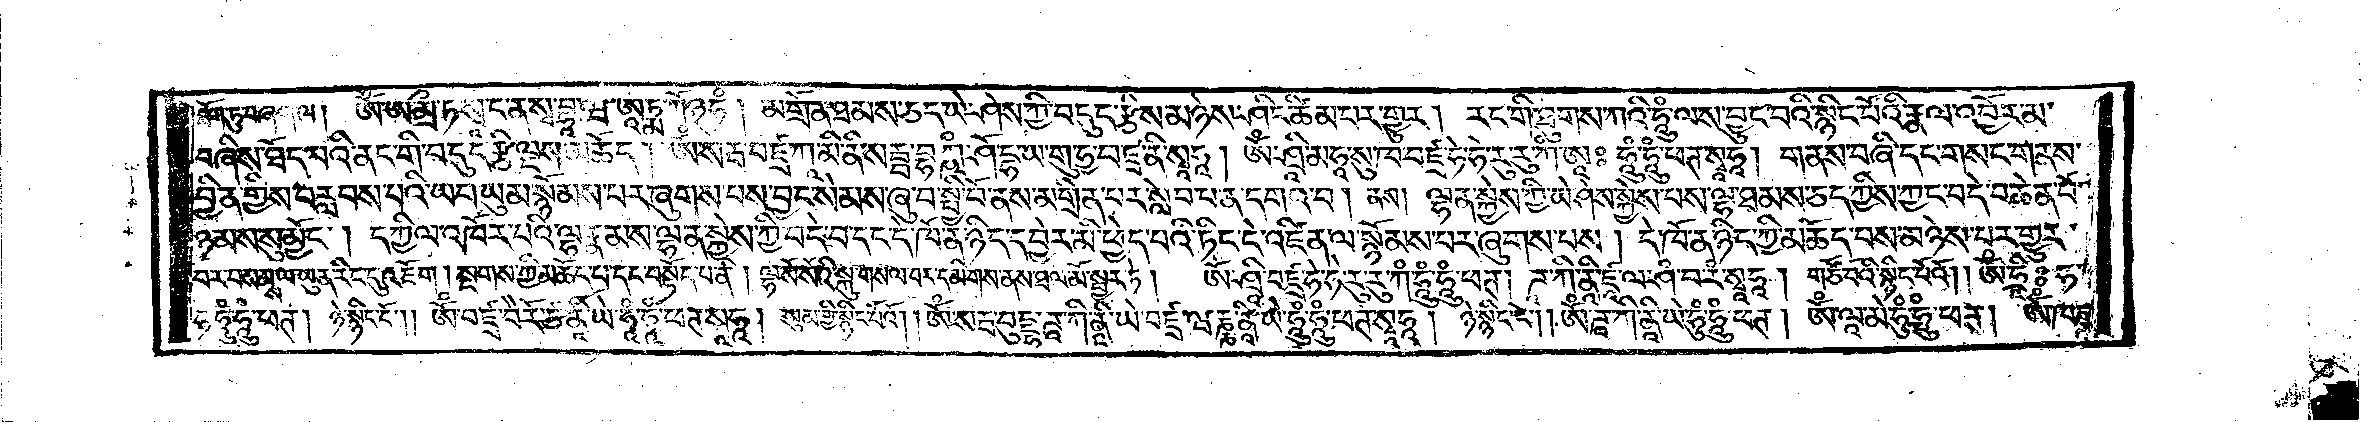འོག་ཏུ་བཞག་ལ། ཨོཾ་ཨྀ་མྲ་ཏ་སྲཱ་ད་ན་ས་བྷཱ་ཝ་ཨཱཏྨ་ཀོ་ཉཧཾ། མགྲོན་ཐམས་ཅད་ཡེ་ཤེས་ཀྱི་བདུད་རྩིས་མཉེས་ཤིང་ཚིམ་པར་གྱུར། རང་གི་ཐུགས་ཀའི་ཧཱུཾ་ལས་བྱུང་བའི་སྙིང་པོའི་རྣལ་འབྱོར་མ་
བཞིས་ཐོད་པའི་ནང་གི་བདུད་རྩི་ལྔས་མཆོད། ཨོཾ་སརྦ་བཛྲ་ཀཱ་མི་ནི་སརྦྦ་བྷ་ཀྵཾ་ཤོ་དྷ་ཡ་གུ་ཧྱ་བཛྲ་ནི་སྭཱཧཱ། ཨོཾ་ཤྲཱི་མཧཱ་སུ་ཁ་བཛྲ་ཧེ་ཧེ་རུ་རུ་ཀཾ་ཨཱཿ ཧཱུཾ་ཧཱུཾ་ཕཊ་སྭཱཧཱ། གནས་བཞི་དང་གསང་གནས་
བྱིན་གྱིས་བརླབས་པའི་ཡབ་ཡུམ་སྙོམས་པར་ཞུགས་པས་བྱང་སེམས་ཞུ་པ་སྤྱི་བོ་ནས་མགྲིན་པར་སླེབ་པ་ན་དགའ་བ། ནས།  ལྷན་སྐྱེས་ཀྱི་ཡེ་ཤེས་སྐྱེས་པས་ལྷ་ཐམས་ཅད་ཀྱིས་ཀྱང་བདེ་བ་ཆེན་པོ་
ཉམས་སུ་མྱོང་། དཀྱིལ་འཁོར་པའི་ལྷ་རྣམས་ལྷན་སྐྱེས་ཀྱི་བདེ་བ་དང་དེ་ཁོ་ན་ཉིད་དབྱེར་མི་ཕྱེད་པའི་ཏིང་ངེ་འཛིན་ལ་སྙོམས་པར་ཞུགས་པས། དེ་ཁོ་ན་ཉིད་ཀྱི་མཆོད་བས་མཉེས་པར་གྱུར་
བར་བསམས་ལ་ཡུན་རིང་དུ་འཇོག །སྔགས་ཀྱི་མཆོད་པ་དང་བསྟོད་པ་ནི། ལྷ་སོ་སོའི་སྐུ་གསལ་བར་དམིགས་ནས་ཐལ་མོ་སྦྱར་ཏེ། ཨོཾ་ཤྲཱི་བཛྲ་ཧེ་ཧེ་རུ་རུ་ཀཾ་ཧཱུཾ་ཧཱུཾ་ཕཊ། ཌཱ་ཀི་ནི་ཛཱ་ལ་ཤཾ་བ་རཾ་སྭཱཧཱ། གཙོ་བོའི་སྙིང་པོའོ། །ཨོཾ་ཧྲཱིཿཧ་
ཧ་ཧཱུཾ་ཧཱུཾ་ཕཊ། ཉེ་སྙིང་ངོ།  །ཨོཾ་བཛྲ་བཻ་རོ་ཙ་ནཱི་ཡེ་ཧཱཾ་ཧཱཾ་ཕཊ་སཱཧཱ། སུམ་གྱི་སྙིང་པོའོ།  །ཨོཾ་སརྦ་བུདྡྷ་ཌཱ་ཀི་ནཱི་ཡེ་བཛྲ་ཝརྞྞ་ནཱི་ཡེ་ཧཱུཾ་ཧཱུཾ་ཕཊ་སྭཱཧཱ། ཉེ་སྙིང་དེ།  །ཨོཾ་ཌཱ་ཀི་ནཱི་ཡེ་ཧཱུཾ་ཧཱུཾ་ཕཊ། ཨོཾ་ལཱ་མེ་ཧཱུཾ་ཧཱུཾ་ཕཊ། ཨོཾ་ཁཎྜ་